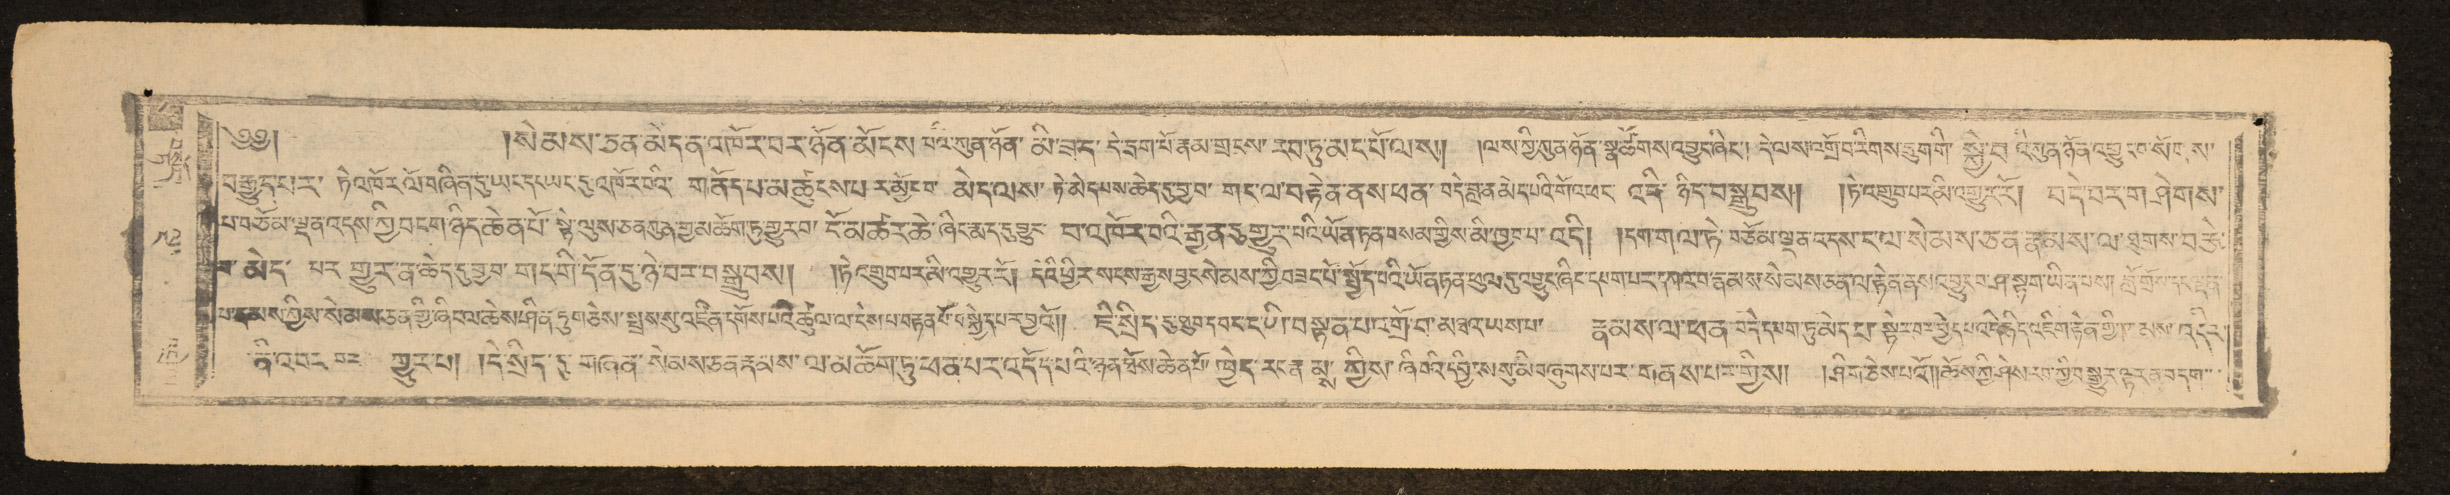༄༅། །སེམས་ཅན་མེད་ན་འཁོར་བར་ཉོན་མོངས་པའི་ཀུན་ཉོན་མི་ཟད་དེ་དྲག་པོ་རྣམ་གྲངས་རབ་ཏུ་མང་པོ་ལས། །ལས་ཀྱི་ཀུན་ཉོན་སྣ་ཚོགས་འབྱུང་ཞིང་། དེ་ལས་འགྲོ་བ་རིགས་དྲུག་གི་སྐྱེ་བའི་ཀུན་ཉོན་འགྱུར་བ་སོགས་
བརྒྱུད་པར་ཏེ་འཁོར་ལོ་བཞིན་དུ་ཡང་དང་ཡང་དུ་འཁོར་བའི་གནོད་པ་མཚུངས་པར་མྱོང་བ་མེད་ལས་ཏེ་མེད་པས་ཆེད་དུ་བྱ་བ་གང་ལ་བརྟེན་ནས་ཕན་བདེ་བླ་ན་མེད་པའི་གོ་འཕང་འདི་ཉིད་བསྒྲུབས། །ཏེ་འགྲུབ་པར་མི་འགྱུར་རོ། བདེ་བར་གཤེགས་
པ་བཅོམ་ལྡན་འདས་ཀྱི་བདག་ཉིད་ཆེན་པོ་སྟེ་ལུས་ཅན་ཀུན་གྱི་མཆོག་ཏུ་གྱུར་བ་ངོ་མཚར་ཆེ་ཞིང་རྨད་དུ་བྱུང་བ་འཁོར་བའི་རྒྱན་དུ་གྱུར་བའི་ཡོན་ཏན་བསམ་གྱིས་མི་ཁྱབ་པ་འདི། །དག་གལ་ཏེ་བཅོམ་ལྡན་འདས་ང་ལ་སེམས་ཅན་རྣམས་ལ་ཐུགས་བརྩེ་
བ་མེད་པར་གྱུར་ན་ཆེད་དུ་བྱ་བ་གང་གི་དོན་དུ་ཉེ་བར་བསྒྲུབས། །ཏེ་འགྲུབ་པར་མི་འགྱུར་རོ། དེའི་ཕྱིར་སངས་རྒྱས་བྱང་སེམས་ཀྱི་བཟང་པོ་སྤྱོད་པའི་ཡོན་ཏན་ཕུལ་དུ་འབྱུང་ཞིང་དཔག་པར་དཀའ་བ་རྣམས་སེམས་ཅན་ལ་རྟེན་ནས་འབྱུང་བ་ཤ་སྟག་ཡིན་པས། བློ་གྲོས་དང་ལྡན་
པ་རྣམས་ཀྱིས་སེམས་ཅན་གྱི་ཞིང་ལ་ཆེས་ཤིན་ཏུ་གཅེས་སྤྲས་སུ་འཛིན་དགོས་པའི་ཚུལ་ལ་ངེས་པ་བརྟན་པོ་བསྐྱེད་པར་བྱའོ།། ཇི་སྲིད་དུ་ཐུབ་དབང་ང་ཡི་བསྟན་པ་འགྲོ་བ་མཐའ་ཡས་པ་རྣམ་ལ་ཕན་བདེ་དཔག་ཏུ་མེད་པ་སྟེར་བར་བྱེད་པ་འདི་ཉིད་འཇིག་རྟེན་གྱི་ཁམས་འདིར་
ནི་འབར་བར་གྱུར་པ། །དེ་སྲིད་དུ་གཞན་སེམས་ཅན་རྣམས་ལ་མཆོག་ཏུ་ཕན་པར་འདོད་པའི་ཉན་ཐོས་ཆེན་པོ་ཁྱེད་རང་རྣམས་ཀྱིས་ཞི་བའི་དབྱིང་སུ་མི་བཞུགས་པར་གནས་པར་གྱིས། །ཤི་གཅེས་པའོ། །ཆོས་ཀྱི་ཤེས་རབ་ཀྱི་བསྒྱུར་ལྟར་ན་བདག་